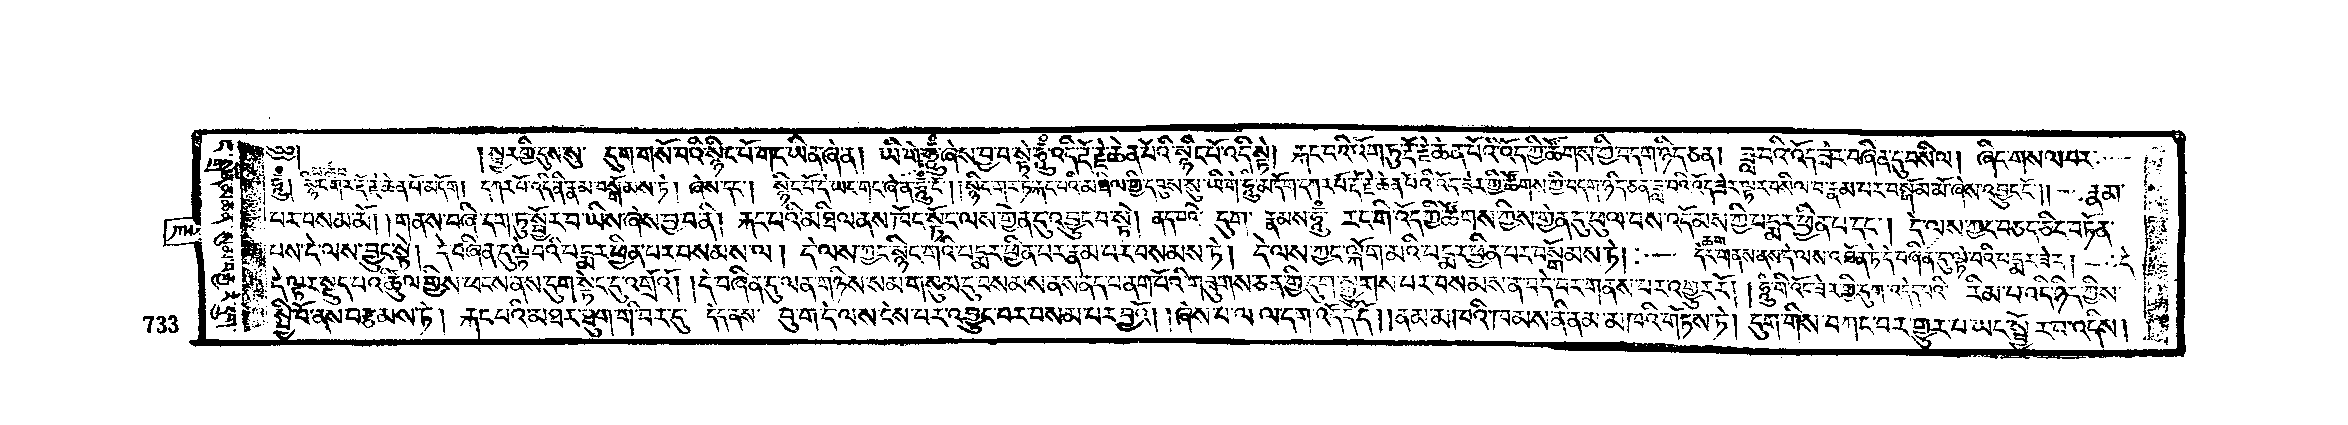༄༅། ། སྦྱར་གྱི་དུས་སུ་དུག་གསོ་བའི་སྙིང་པོ་གང་ཡིན་ཞེ་ན། ཡི་གེ་ཧཱུཾ་ཞེས་བྱ་བ་སྟེ་ཧཱུཾ་འདི་རྡོ་རྗེ་ཆེན་པོའི་སྙིང་པོ་འདི་སྟེ། རྐང་བའི་འོག་ཏུ་རྡོ་རྗེ་ཆེན་པོའི་འོད་ཀྱི་ཚོགས་ཀྱི་བདག་ཉིད་ཅན། ཟླ་བའི་འོད་ཟེར་བཞིན་དུ་བསིལ། ཞིང་གསལ་བར་H.
ཧཱུཾ། པ་ཚབ་སྙིང་གར་རྡོ་རྗེ་ཆེན་པོ་མདོག །དཀར་པོ་འདི་ནི་རྣམ་བསྒོམས་ཏེ། ཞེས་དང་། སྙིང་པོ་དེ་ཡང་གང་ཞེ་ན་ཧཱུཾ་ངོ། །སྙིང་གར་ཏེ་རྐང་པའི་མཐིལ་གྱི་དབུས་སུ་ཡི་གེ་ཧཱུཾ་མདོག་དཀར་པོ་རྡོ་རྗེ་ཆེན་པོའི་འོད་ཟེར་གྱི་ཚོགས་ཀྱི་བདག་ཉིད་ཅན་ཟླ་བའི་འོད་ཟེར་ལྟར་བསིལ་བ་རྣམ་པར་བསྒོམ་མོ་ཞེས་འབྱུང་ངོ།། .H རྣམ་
པར་བསམ་མོ། །གནས་བཞི་དག་ཏུ་སྦྱོར་བ་ཡིས་ཞེས་བྱ་བ་ནི། རྐང་པའི་མཐིལ་ནས་ཁོང་སྟོང་ལས་གྱེན་དུ་འབྱུང་བ་སྟེ། ནད་པའི་དུག་རྣམས་ཧཱུཾ་རང་གི་འོད་ཀྱི་ཚོགས་ཀྱིས་གྱེན་དུ་ཕུལ་བས་འདོམས་ཀྱི་པདམར་ཕྱིན་པ་དང་། དེ་ལས་ཀྱང་བཅད་ཅིང་བཏོན་
པས་དེ་ལས་བྱུང་སྟེ། དེ་བཞིན་དུ་ལྟེ་བའི་པདམར་ཕྱིན་པར་བསམས་ལ། དེ་ལས་ཀྱང་སྙིང་གའི་པདམར་ཕྱིན་པར་རྣམ་པར་བསམས་ཏེ། དེ་ལས་ཀྱང་ལྐོག་མའི་པདམར་ཕྱིན་པར་བསྒོམས་ཏེ། H.་ཆག་དེར་གནས་ནས་དེ་ལས་འཐོན་ཏེ་དེ་བཞིན་དུ་ལྟེ་བའི་པདམར་ཟེར། .H དེ་
དེ་ལྟར་སྡུད་པའི་ཚུལ་གྱིས་ཕངས་ནས་དུག་སྟེང་དུ་འགྲོའོ། །དེ་བཞིན་དུ་ལན་གཉིས་སམ་གསུམ་དུ་བསམས་ནས་ནད་པ་ནག་པོའི་གཟུགས་ཅན་གྱི་དུག་སྐྱུགས་པར་བསམས་ན་བདེ་བར་གནས་པར་འགྱུར་རོ། ། ཧཱུཾ་གི་འོད་ཟེར་གྱི་དུག་འདོད་པའི་རིམ་པ་འདི་ཉིད་ཀྱིས་
སྤྱི་བོ་ནས་བརྩམས་ཏེ། རྐང་པའི་མཐར་ཐུག་གི་བར་དུ་དེད་ནས་བུ་ག་དེ་ལས་ངེས་པར་འབྱུང་བར་བསམ་པར་བྱའོ། །ཞེས་པ་ལ་ལ་དག་འདོད་དོ། །ནམ་མཁའི་ཁམས་ནི་ནམ་མཁའི་གཏོས་ཏེ། དུག་གིས་བཀང་བར་གྱུར་པ་ཡང་སྦྱོར་བ་འདིས།